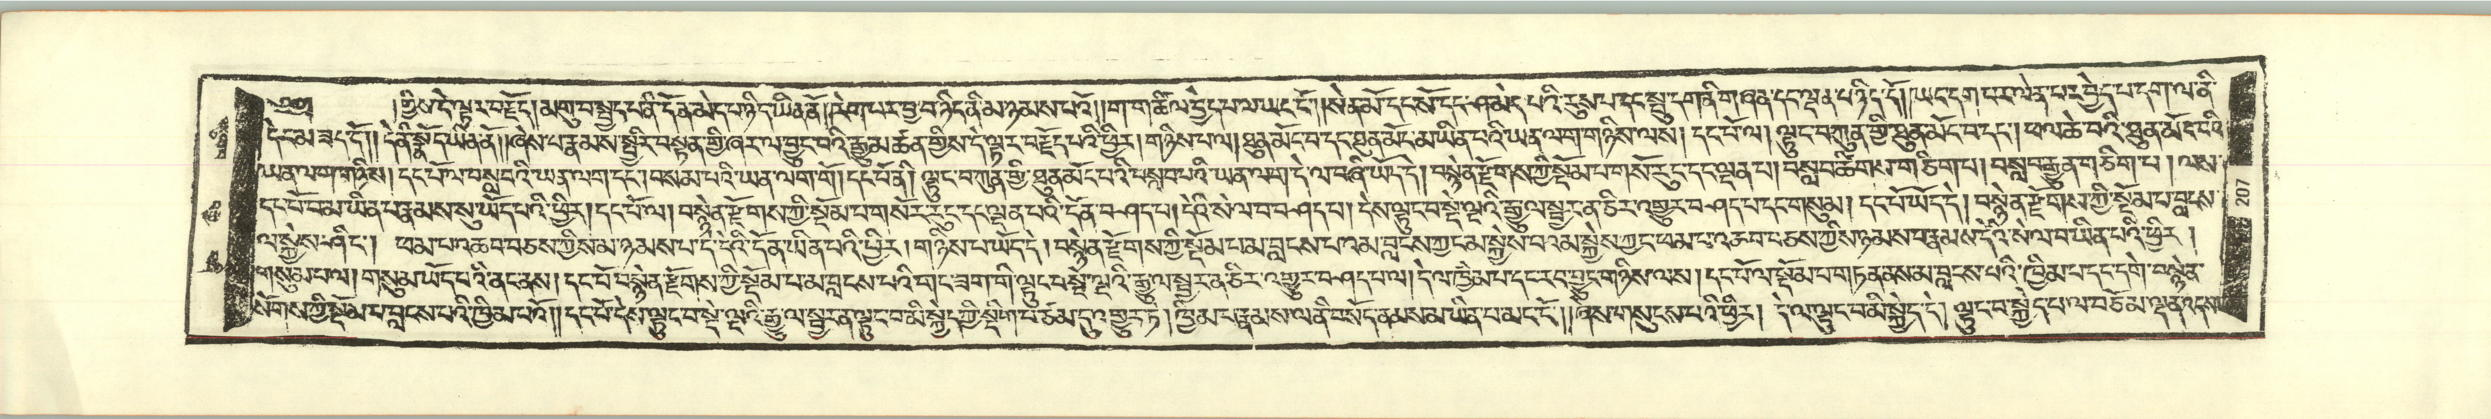༄༅། །གྱིས་དེ་ལྟར་བརྗོད། མགུ་བ་སྤྱད་པ་ནི་དོན་མེད་པ་ཉིད་ཡིན་ནོ། །རེག་པར་བྱ་བ་ཉིད་ནི་མ་ཉམས་པའོ། །ག་ག་ཚིལ་བྱེད་པ་ལ་ཡང་ངོ། །སེན་མོ་དང་སོ་དང་ཤ་མེད་པའི་རུས་པ་དང་སྤུ་དག་ནི་གཞན་དང་ལྡན་པ་ཉིད་དོ། །ཡང་དག་པར་ལེན་པར་བྱེད་པ་དག་ལ་ནི་
དེར་མ་ཟད་དོ། །དེ་ནི་སྣོད་ཡིན་ནོ། །ཞེས་པ་རྣམས་སྤྱིར་བསྟན་གྱི་ཞར་ལ་བྱུང་བའི་རྒྱུ་མཚན་གྱིས་དེ་ལྟར་བརྗོད་པའི་ཕྱིར། གཉིས་པ་ལ། ཐུན་མོང་བ་དང་ཐུན་མོང་མ་ཡིན་པའི་ཡན་ལག་གཉིས་ལས། དང་པོ་ལ། ལྟུང་བ་ཀུན་གྱི་ཐུན་མོང་བ་དང་། ཕལ་ཆེ་བའི་ཐུན་མོང་བའི་
ཡན་ལག་གཉིས། དང་པོ་ལ་བསླ་བའི་ཡན་ལག་དང་། བསམ་པའི་ཡན་ལག་གོ །དང་པོ་ནི། ལྟུང་བ་ཀུན་གྱི་ཐུན་མོང་བའི་བསླབ་པའི་ཡན་ལག་དེ་ལ་བཞི་ཡོད་དེ། བསྙེན་རྫོགས་ཀྱི་སྡོམ་པ་གསོ་རུང་དང་ལྡན་པ། བསླབ་ཚིགས་གཅིག་པ། བསླབ་རྒྱུན་གཅིག་པ། ལས་
དང་པོ་བ་མ་ཡིན་པ་རྣམས་སུ་ཡོད་པའི་ཕྱིར། དང་པོ་ལ། བསྙེན་རྫོགས་ཀྱི་སྡོམ་པ་གསོར་རུང་དང་ལྡན་པའི་དོན་བཤད་པ། དེའི་སེལ་བ་བཤད་པ། དེས་ལྟུང་བ་སྡེ་ལྔའི་རྒྱུ་ལ་སྦྱར་ན་ཅིར་འགྱུར་བཤད་པ་དང་གསུམ། དང་པོ་ཡོད་དེ། བསྙེན་རྫོགས་ཀྱི་སྡོམ་པ་བླངས་
ལ་སྐྱེས་ཤིང་། ཕམ་པ་འཆབ་བཅས་ཀྱིས་མ་ཉམས་པ་དེ་དེའི་དོན་ཡིན་པའི་ཕྱིར། གཉིས་པ་ཡོད་དེ། བསྙེན་རྫོགས་ཀྱི་སྡོམ་པ་མ་བླངས་པ་འམ་བླངས་ཀྱང་མ་སྐྱེས་པའམ་སྐྱེས་ཀྱང་ཕམ་པ་འཆབ་བཅས་ཀྱིས་ཉམས་པ་རྣམས་དེའི་སེལ་བ་ཡིན་པའི་ཕྱིར།
གསུམ་པ་ལ། གསུམ་ཡོད་པའི་ནང་ནས། དང་པོ་བསྙེན་རྫོགས་ཀྱི་སྡོམ་པ་མ་བླངས་པའི་གང་ཟག་གི་ལྟུང་བསྡེ་ལྔའི་རྒྱུ་ལ་སྦྱར་ན་ཅིར་འགྱུར་བཤད་པ་ལ། དེ་ལ་ཁྱིམ་པ་དང་རབ་བྱུང་གཉིས་ལས། དང་པོ་ལ་སྡོམ་པ་གཏན་ནས་མ་བླངས་པའི་ཁྱིམ་པ་དང་དགེ་བསྙེན་
སོགས་ཀྱི་སྡོམ་པ་བླངས་པའི་ཁྱིམ་པའོ། །དང་པོ་དེས་ལྟུང་བ་སྡེ་ལྔའི་རྒྱུ་ལ་སྦྱར་ན་ལྟུང་བ་མི་སྐྱེད་ཀྱི་སྡིག་པ་ཙམ་དུ་འགྱུར་ཏེ། ཁྱིམ་པ་རྣམས་ལ་ནི་བསོད་ནམས་མ་ཡིན་པ་མང་ངོ། །ཞེས་གསུངས་པའི་ཕྱིར། དེ་ལ་ལྟུང་བ་མི་སྐྱེད་དེ། ལྟུང་བ་སྐྱེད་པ་ལ་བཅོམ་ལྡན་འདས་